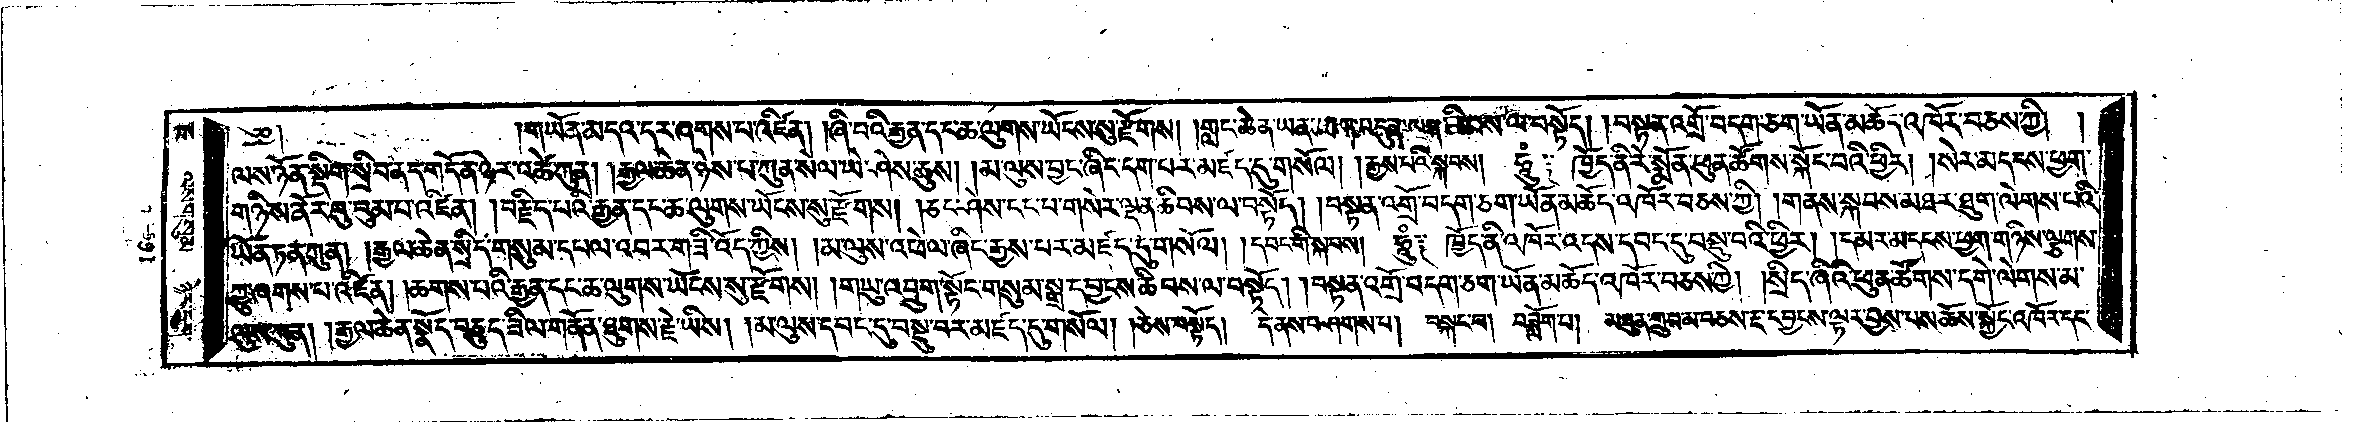༄༅། །གཡོན་མདའ་དར་ཞགས་པ་འཛིན། །ཞི་བའི་རྒྱན་དང་ཆ་ལུགས་ཡོངས་སུ་རྫོགས། །གླང་ཆེན་ཡན་ལག་བདུན་ལྡན་ཆིབས་ལ་བསྟོད། །བསྟན་འགྲོ་བདག་ཅག་ཡོན་མཆོད་འཁོར་བཅས་ཀྱི། །
ལས་ཉོན་སྡིག་སྒྲིབ་ནད་གདོན་གཉེར་བ་ཚེ་ཀུན། །རྒྱལ་ཆེན་ཉེས་པ་ཀུན་སེལ་ཡེ་ཤེས་ཆུས། །མ་ལུས་བྱང་ཞིང་དག་པར་མཛད་དུ་གསོལ། །རྒྱས་པའི་སྐབས། ཧཱུཾ༑ ཀྱོད་ནི་རེ་སྨོན་ཕུན་ཚོགས་སྐོང་བའི་ཕྱིར། །སེར་མདངས་ཕྱག་
གཉིས་ནོར་བུ་བུམ་པ་འཛིན། །བརྗིད་པའི་རྒྱན་དང་ཆ་ལུགས་ཡོངས་སུ་རྫོགས། །ཅང་ཤེས་ངང་པ་གསེར་ལྡན་ཆིབས་ལ་བསྟོད། །བསྟན་འགྲོ་བདག་ཅག་ཡོན་མཆོད་འཁོར་བཅས་ཀྱི། །གནས་སྐབས་མཐར་ཐུག་ལེགས་པའི་
ཡོན་ཏན་ཀུན། །རྒྱལ་ཆེན་སྲིད་གསུམ་དཔལ་འབར་གཟི་འོད་ཀྱིས། །མ་ལུས་འཕེལ་ཞིང་རྒྱས་པར་མཛད་དུ་གསོལ། །དབང་གི་སྐབས། ཧཱུཾ༑ ཁྱོད་ནི་འཁོར་འདས་དབང་དུ་བསྡུ་བའི་ཕྱིར། །དམར་མདངས་ཕྱག་གཉིས་ལྕགས་
ཀྱུ་ཞགས་པ་འཛིན། །ཆགས་པའི་རྒྱན་དང་ཆ་ལུགས་ཡོངས་སུ་རྫོགས། །གཡུ་འབྲུག་སྟོང་གསུམ་སྒྲ་དབྱངས་ཆིབས་ལ་བསྟོད། །བསྟན་འགྲོ་བདག་ཅག་ཡོན་མཆོད་འཁོར་བཅས་ཀྱི། །སྲིད་ཞིའི་ཕུན་ཚོགས་དགེ་ལེགས་མ་
ལུས་ཀུན། །རྒྱལ་ཆེན་སྣོད་བཅུད་ཟིལ་གནོན་ཐུགས་རྗེ་ཡིས། །མ་ལུས་དབང་དུ་བསྡུ་བར་མཛད་དུ་གསོལ། །ཅེས་བསྟོད། དེ་ནས་བཤགས་པ། བསྐང་བ། བཟློག་པ། མཐུན་གྲུབ་མ་བཅས་རྔ་དབྱངས་ལྟར་བྱས་པས་ཆོས་སྐྱོང་འཁོར་དང་